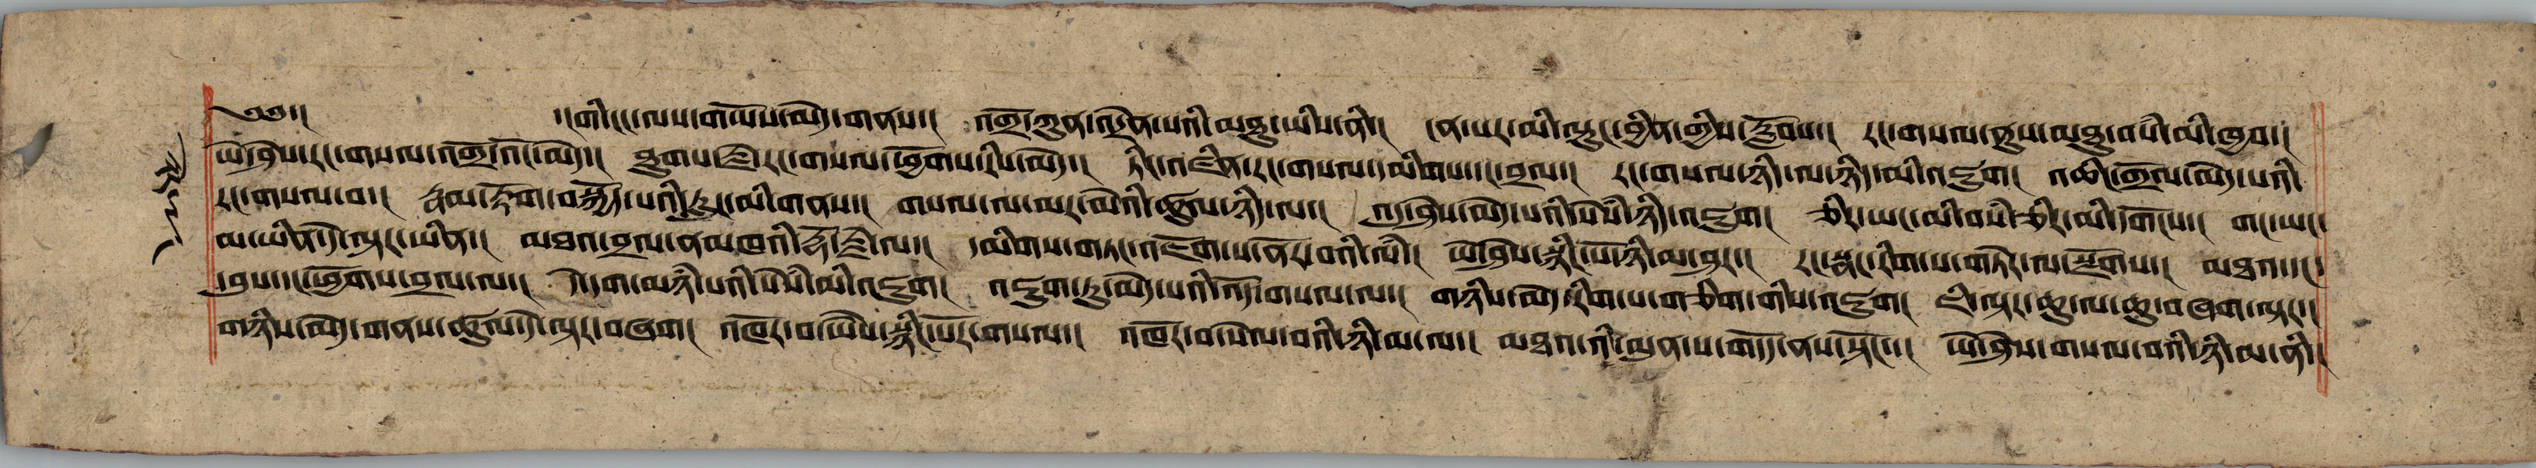༄༅་། ་།གི་ངང་ལས་གཡོས་མེད་གནས་། འགྲོ་ཀུན་འདྲེན་པའི་མཐུ་ཡི་ནི་། ངན་པར་མི་ལྟུང་བྱིན་གྱིས་རློབས་། རང་གསལ་ནུས་མཐུ་བསཾ་མི་ཁྱབ་།
ཡེ་ཤེས་རང་གསལ་འགྲོ་འོང་མེད་། ཐུགས་རྗེ་རང་གསལ་ཕྱོགས་རིས་མེད་། ཏིང་འཛིན་རང་གསལ་དམིགས་དང་བྲལ་། རང་གསལ་ཉིད་ལ་ཉིད་མི་འཇུག། འཆིང་གྲོལ་མེད་པའི་
རང་གསལ་བ་། རྣམ་རྟོག་བསྐྱོད་པའི་རླུང་མི་གནས་། གསལ་ལ་མར་མེའི་ཚུལ་ཉིད་ལ་། འདུ་ཤེས་མེད་པའི་སེཾས་ཉིད་འཇུག། ཅིར་ཡང་མི་བསཾ་ཅིར་མི་དགོངས་། གང་ཡང་
མ་ཡིན་དེ་ལྟར་ཡིན་། མཐའ་བྲལ་ནམཁའི་རྡོ་རྗེ་ལ་། དམིགས་གཏང་འཇོག་ས་ནོར་བའི་ལཾ་། ཡེ་ཤེས་སྙིང་པོ་ཉི་མ་ཤར་། རང་སྣང་རིག་པ་གཏེར་ལ་སྫོགས་། མཐའ་དང་
དབུས་དང་ཕྱོགས་བྲལ་ལ་། དེ་དག་མཉཾ་པའི་སེཾས་མི་འཇུག། འཇུག་ཏུ་མེད་པའི་འོད་གསལ་ལ་། གཉིས་མེད་རིག་པ་གཅིག་གིས་འཇུག། ཇི་ལྟར་ཆུ་ལ་ཆུ་བཞག་ལྟར་།
གཉིས་མེད་གནས་ཚུལ་དེ་ལྟར་བཞག། འཁོར་བ་ཡཻས་སྙིང་པོར་གསལ་། འཁོར་བ་སེལ་བའི་ཉི་མ་ལ་། མཐའ་འི་མུན་པ་གདོད་ན་སྟོང་་། ཡེ་ཤེས་གསལ་བའི་ཉི་མ་ནི་།